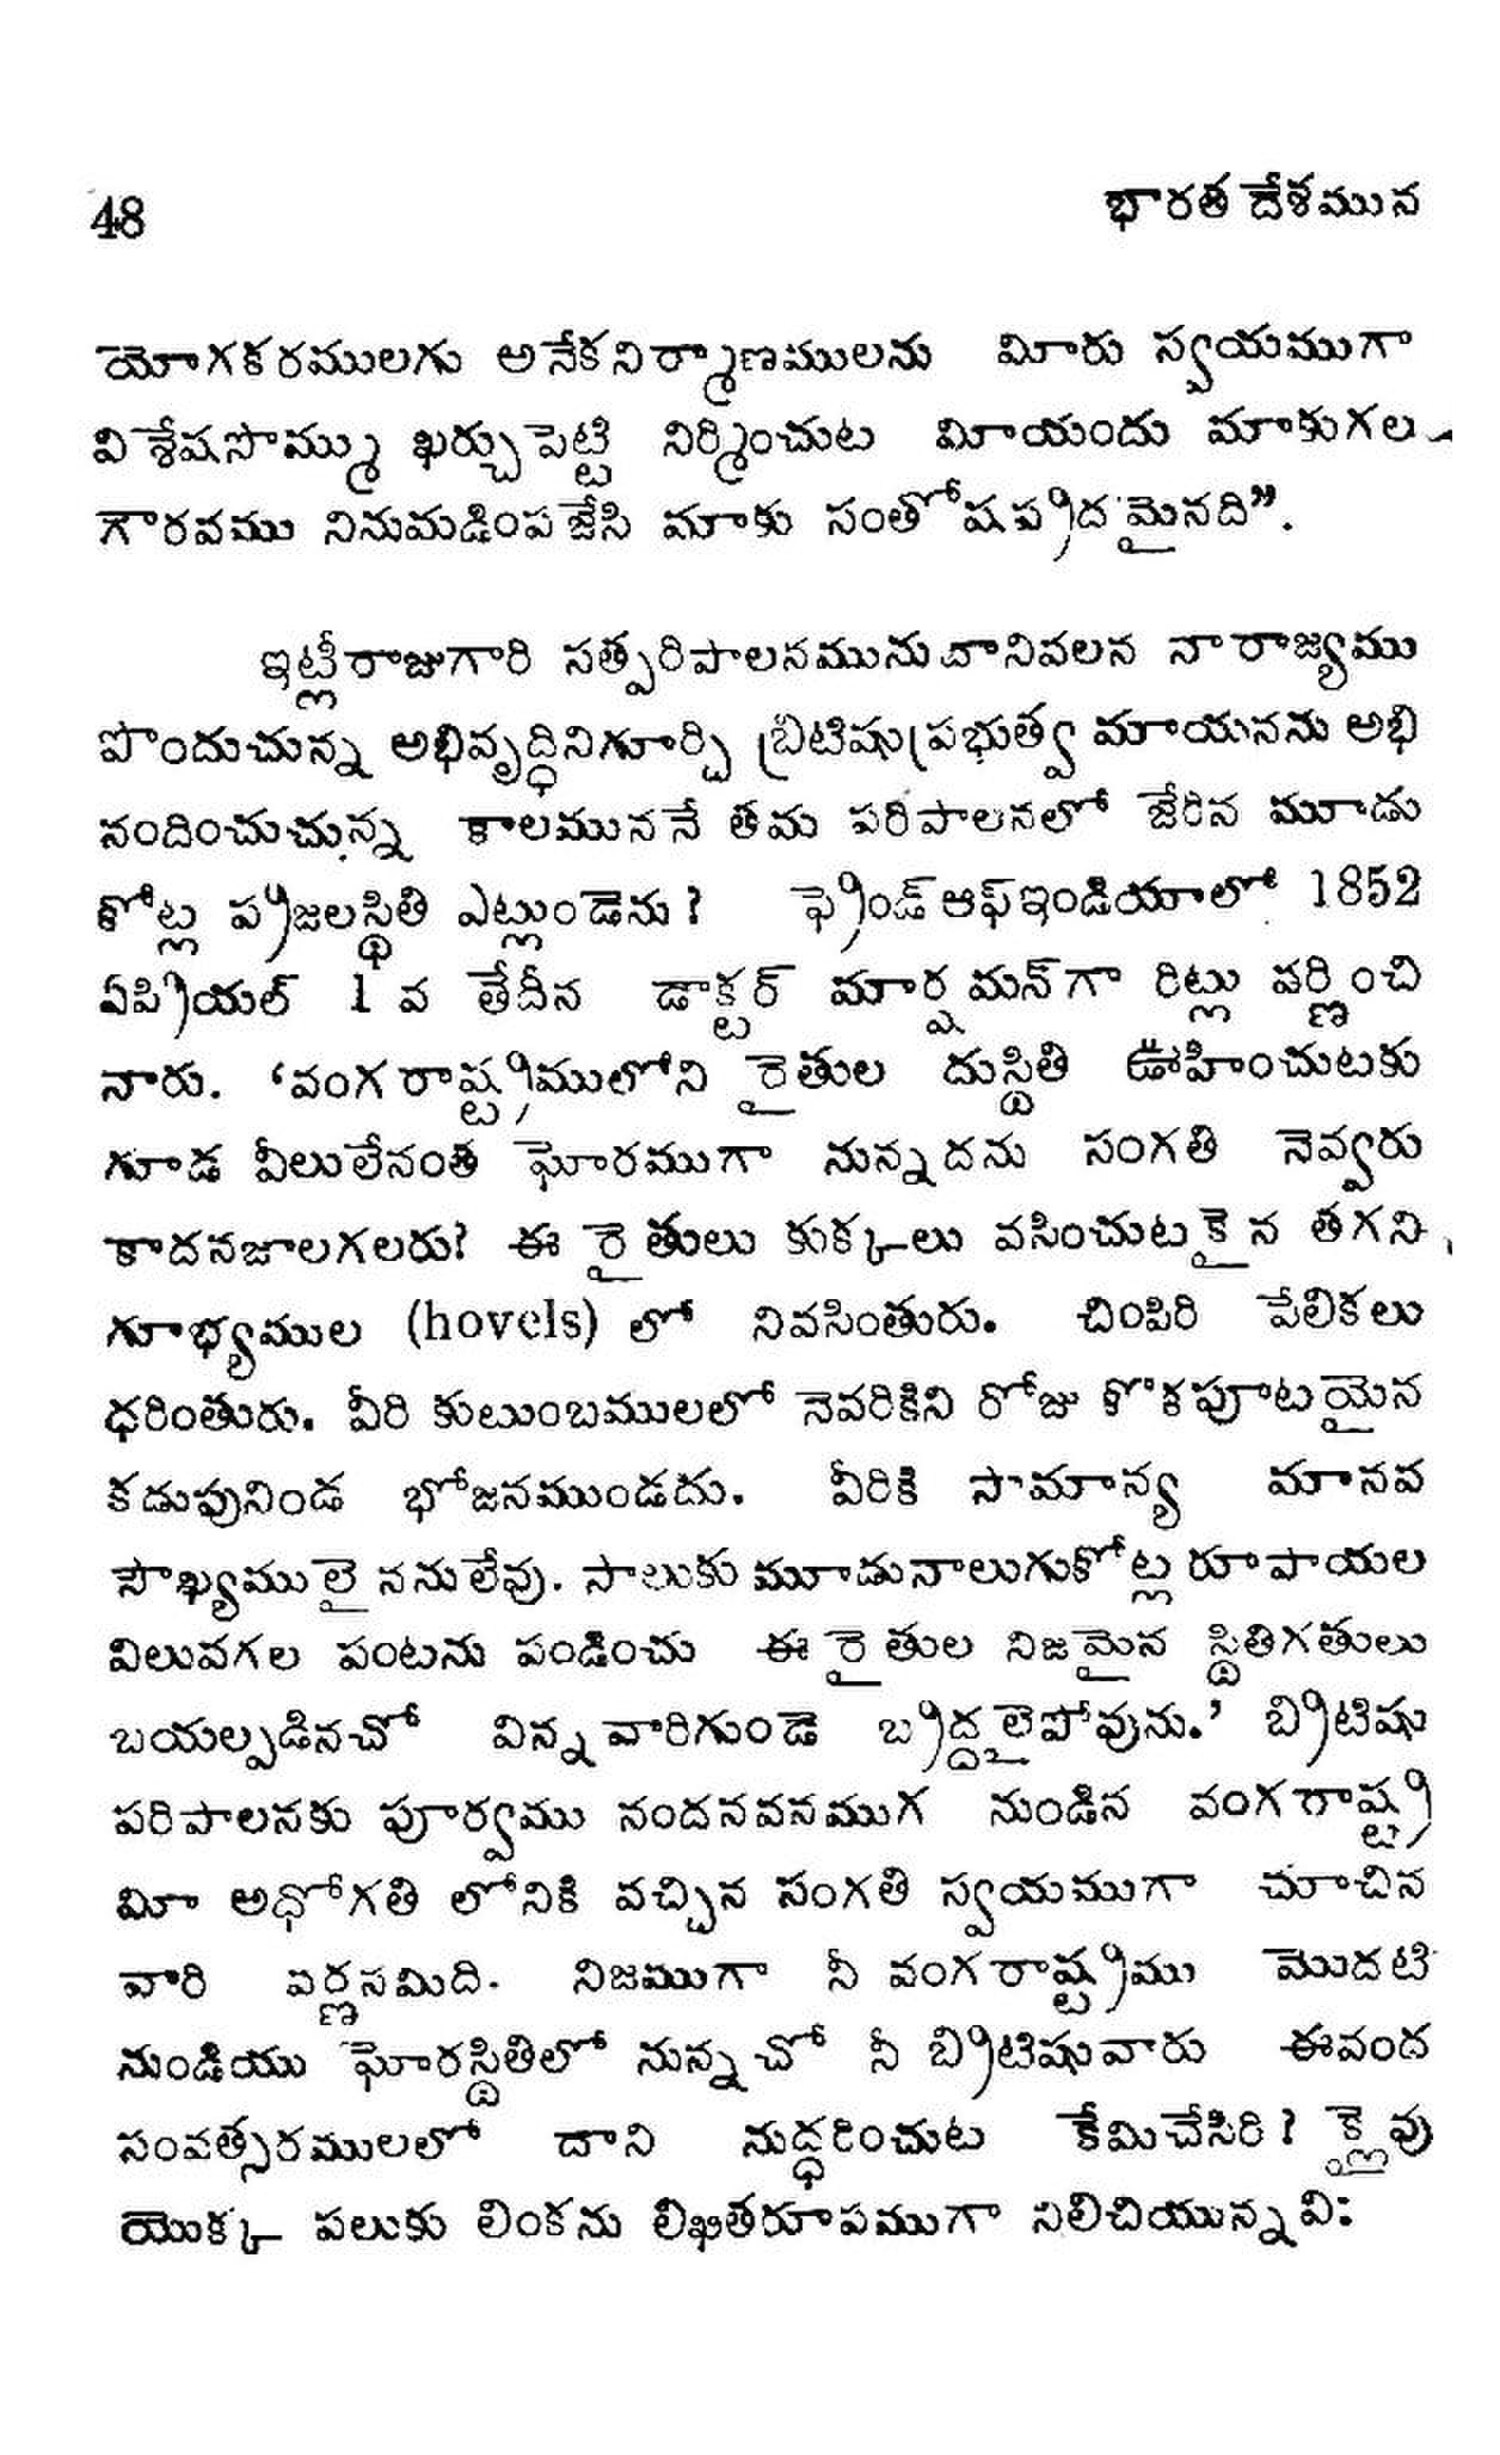యోగకరములగు అనేకనిర్మాణములను మీరు స్వయముగా విశేషసొమ్ము ఖర్చుపెట్టి నిర్మించుట మీయందు మాకుగల గౌరవము నినుమడింపజేసి మాకు సంతోషప్రదమైనది”.

ఇట్లీరాజుగారి సత్పరిపాలనమును దానివలన నారాజ్యము పొందుచున్న అభివృద్ధినిగూర్చి బ్రిటిషుప్రభుత్వ మాయనను అభినందించుచున్న కాలముననే తమ పరిపాలనలో జేరిన మూడుకోట్ల ప్రజలస్థితి ఎట్లుండెను? ఫ్రెండ్‌ఆఫ్‌ఇండియాలో 1852 ఏప్రియల్ 1 వ తేదీన డాక్టర్ మార్షమన్‌గా రిట్లు వర్ణించినారు. 'వంగరాష్ట్రములోని రైతుల దుస్థితి ఊహించుటకు గూడ వీలులేనంత ఘోరముగా నున్నదను సంగతి నెవ్వరు కాదనజాలగలరు? ఈ రైతులు కుక్కలు వసించుటకైన తగని గూభ్యముల (hovels) లో నివసింతురు. చింపిరి పేలికలు ధరింతురు. వీరి కుటుంబములలో నెవరికిని రోజు కొకపూటయైన కడుపునిండ భోజనముండదు. వీరికి సామాన్య మానవ సౌఖ్యములైనను లేవు. సాలుకు మూడునాలుగుకోట్లరూపాయల విలువగల పంటను పండించు ఈ రైతుల నిజమైన స్థితిగతులు బయల్పడినచో విన్నవారిగుండె బ్రద్దలైపోవును. బ్రిటిషు పరిపాలనకు పూర్వము నందనవనముగ నుండిన వంగరాష్ట్ర మీ అధోగతి లోనికి వచ్చిన సంగతి స్వయముగా చూచిన వారి వర్ణనమిది. నిజముగా నీ వంగరాష్ట్రము మొదటి నుండియు ఘోరస్థితిలో నున్నచో నీ బ్రిటిషువారు ఈవందసంవత్సరములలో దాని నుద్దరించుట కేమిచేసిరి ! క్లైవుయొక్క పలుకు లింకను లిఖితరూపముగా నిలిచియున్నవి: